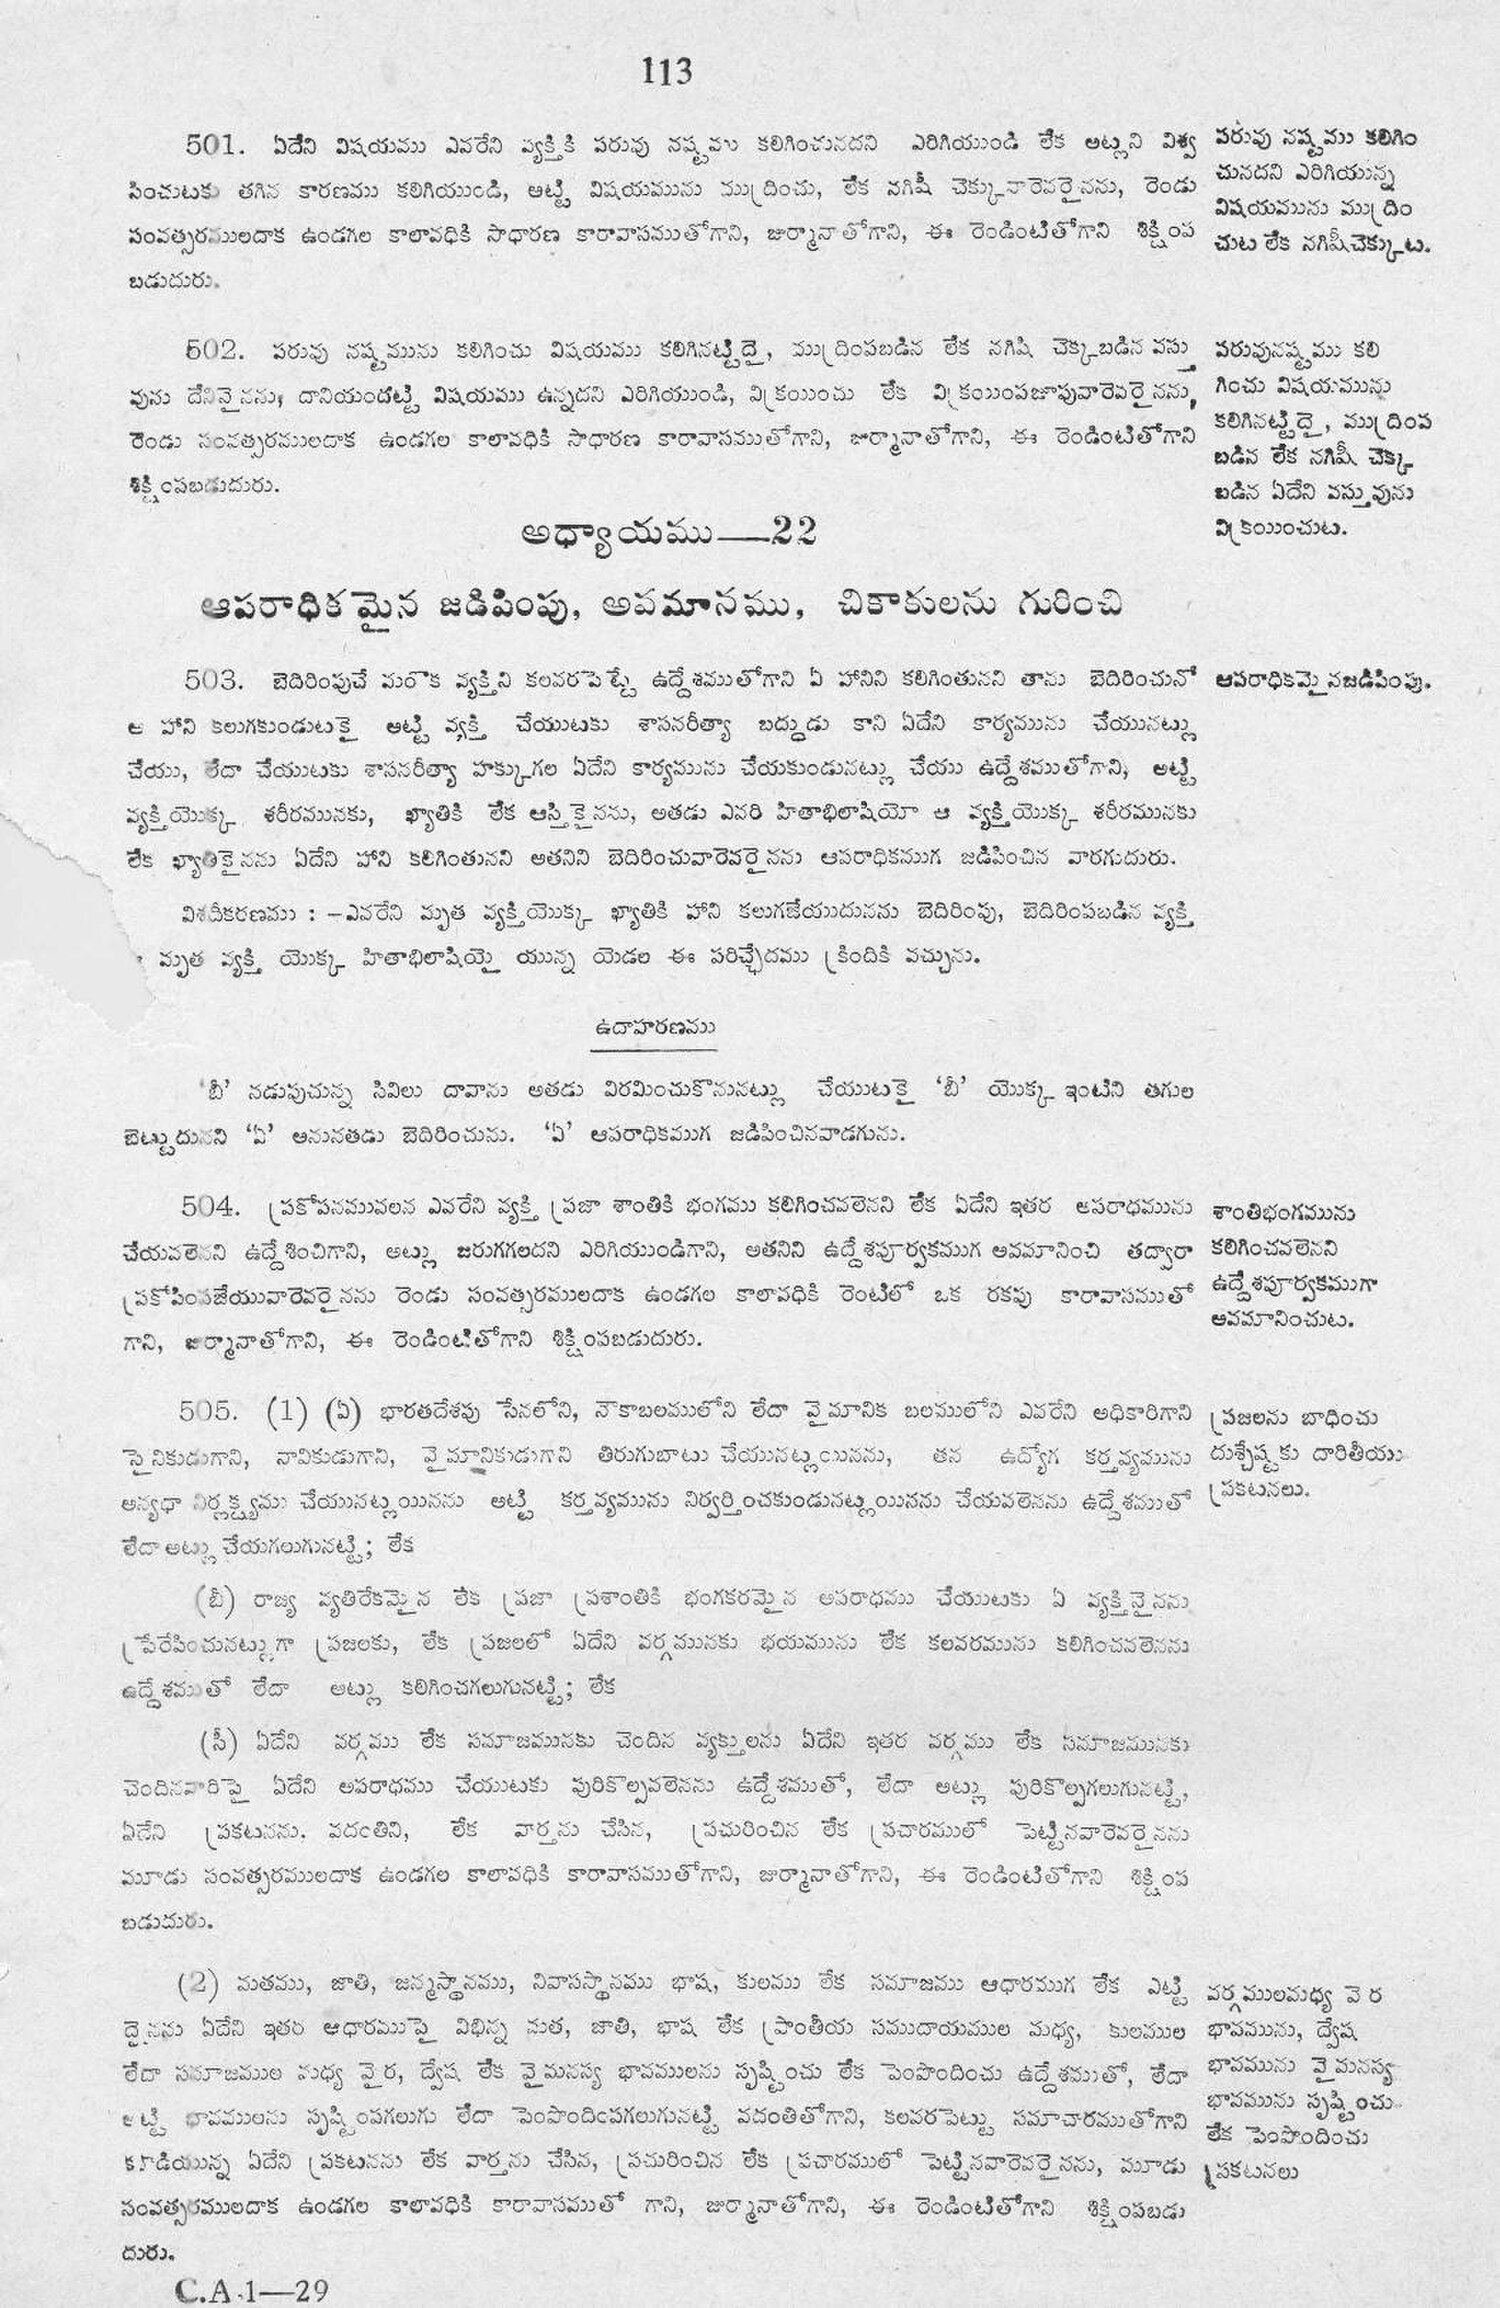పరువు నష్టము కలిగించునదని ఎరిగియున్న విషయమును ముద్రించుట లేక నగిషీ చెక్కుట.

501. ఏదేని విషయము ఎవరేని వ్యక్తికి పరువు నష్టము కలిగించునదని ఎరిగియుండి లేక అట్లని విశ్వసించుటకు తగిన కారణము కలిగియుండి, అట్టి విషయమును ముద్రించు, లేక నగిషీ చెక్కువారెవరైనను, రెండు సంవత్సరములదాక ఉండగల కాలావధికి సాధారణ కారావాసముతో గాని, జుర్మానా తో గాని, ఈ రెండింటితో గాని శిక్షింప బడుదురు.

పరువునష్టము కలిగించు విషయమును కలిగినట్టిదై, ముద్రింప బడిన లేక నగిషీ చెక్కబడిన ఏదేని వస్తువును విక్రయించుట.

602. పరువు నష్టమును కలిగించు విషయము కలిగినట్టిదై, ముద్రింపబడిన లేక నగిషి, చెక్కబడిన వస్తువును దేనినైనను, దానియందటి విషయము ఉన్నదని ఎరిగియుండి, విక్రయించు లేక విక్రయింపజూపువా రెవరైనను, రెండు సంవత్సరములదాక ఉండగల కాలావధికి సాధారణ కారావాసముతో గాని, జుర్మానాలో గాని, ఈ రెండింటితోగాని శిక్షింపబడుదురు.

ఆపరాధికమైన జడిపింపు

503. బెదిరింపుచే మరొక వ్యక్తిని కలవర పెట్టే ఉద్దేశముతోగాని ఏ హానిని కలిగింతునని తాను బెదిరించునో ఆ హాని కలుగకుండుటకై అట్టి వ్యక్తి చేయుటకు శాసనరీత్యా బద్దుడు కాని ఏదేని కార్యమును చేయునట్లు చేయు, లేదా చేయుటకు శాసనరీత్యా హక్కుగల ఏదేని కార్యమును చేయకుండునట్లు చేయు ఉద్దేశముతోగాని, అట్టి వ్యక్తి యొక్క శరీరమునకు, ఖ్యాతికి లేక ఆస్తి కైనను, అతడు ఎవరి హితాభిలాషియో ఆ వ్యక్తి యొక్క శరీరమునకు లేక ఖ్యాతికైనను ఏదేని హాని కలిగింతునని అతనిని బెదిరించువారెవరైనను ఆపరాధికముగ జడిపించిన వారగుదురు.

విశదీకరణము : - ఎవరేని మృత వ్యక్తి యొక్క ఖ్యాతికి హాని కలుగజేయుదునను బెదిరింపు, బెదిరింపబడిన వ్యక్తి మృత వ్యక్తి యొక్క హితాభిలాషియై యున్న యెడల ఈ పరిచ్ఛేదము క్రిందికి వచ్చును.

'బి' నడుపుచున్న సివిలు దావాను అతడు విరమించుకొనునట్లు చేయుటకై 'బీ' యొక్క ఇంటిని తగుల బెట్టుదునని 'ఏ' అనునతడు బెదిరించును. 'ఏ' ఆపరాధికముగ జడిపించిన వాడగును.

శాంతిభంగమును కలిగించవలెనని ఉద్దేశపూర్వకముగా అవమానించుట.

504. ప్రకోపనమువలన ఎవరేని వ్యక్తి ప్రజా శాంతికి భంగము కలిగించవలెనని లేక ఏదేని ఇతర అపరాధమును చేయవలెనని ఉద్దేశించిగాని, అట్లు జరుగగలదని ఎరిగియుండిగాని, అతనిని ఉద్దేశపూర్వకముగ అవమానించి తద్వారా ప్రకోపింపజేయువారెవరైనను రెండు సంవత్సరములదాక ఉండగల కాలావధికి రెంటిలో ఒక రకపు కారావాసముతో గాని, జుర్మానాతోగాని, ఈ రెండింటితోగాని శిక్షింపబడుదురు.

ప్రజలను బాధించు దుశ్చేష్ట కు దారితీయు ప్రకటనలు,

505. (1) (ఏ) భారతదేశపు సేనలోని, నౌకాబలములోని లేదా వైమానిక బలములోని ఎవరేని అధికారిగాని సైనికుడుగాని, నావికుడుగాని, వైమానికుడు గాని తిరుగుబాటు చేయునట్లయినను, తన ఉద్యోగ కర్తవ్యమును .అన్యధా నిర్లక్ష్యము చేయునట్ల యినను అట్టి కర్తవ్యమును నిర్వర్తించకుండునట్లయినను చేయవలెనను ఉద్దేశముతో లేదా అట్లు చేయగలుగునట్టి; లేక

(బి) రాజ్య వ్యతిరేకమైన లేక ప్రజా ప్రశాంతికి భంగకరమైన అపరాధము చేయుటకు ఏ వ్యక్తి నైనను ప్రేరేపించునట్లుగా ప్రజలకు, లేక ప్రజలలో ఏదేని వర్గమునకు భయమును లేక కలవరమును కలిగించవలెనను.ఉద్దేశము తో లేదా అట్లు కలిగించగలుగునట్టి; లేక

(సీ) ఏదేని వర్గము లేక సమాజమునకు చెందిన వ్యక్తులను ఏదేని ఇతర వర్గము లేక సమాజమునకు చెందినవారి పై ఏదేని అపరాధము చేయుటకు పురికొల్పవలెనను ఉద్దేశముతో, లేదా అట్లు పురికొల్పగలుగునట్టి, ఏదేని ప్రకటనను. వదంతిని, వార్తను చేసిన,
ప్రచురించిన లేక ప్రచారములో పెట్టినవారెవరైనను మూడు సంవత్సరములదాక ఉండగల కాలావధికి కారావాసముతోగాని, జర్మానాతోగాని, ఈ రెండింటిలోగాని శిక్షింపబడుదురు.

వర్గములమధ్య వెర భావమును, ద్వేష భావమును వైమనస్య లేక పెంపొందించు ప్రకటనలు

(2) మతము, జాతి, జన్మస్థానము, నివాసస్థానము భాష, కులము లేక సమాజము ఆధారముగ లేక ఎట్టిదైనను ఏదేని ఇతర ఆధారము పై విభిన్న మత, జాతి, భాష లేక ప్రాంతీయ సముదాయముల మధ్య, కులముల లేదా సమాజముల మధ్య వైర, ద్వేష లేక వైమనస్య భావములను సృష్టించు లేక పెంపొందించు ఉద్దేశముతో, లేదా అట్టి భావములను సృష్టింపగలుగు లేదా పెంపొందింపగలుగునట్టి వదంతితోగాని, కలవర పెట్టు సమాచారముతోగాని కూడియున్న ప్రకటనను లేక వార్తను చేసిన, ప్రచురించిన లేక ప్రచారములో పెట్టినవారెవరై నను, మూడు సంవత్సరములదాక ఉండగల కాలావధికి కారావాసముతో గాని, జుర్మానాతోగాని, ఈ రెండింటితోగాని శిక్షింపబడుదురు.